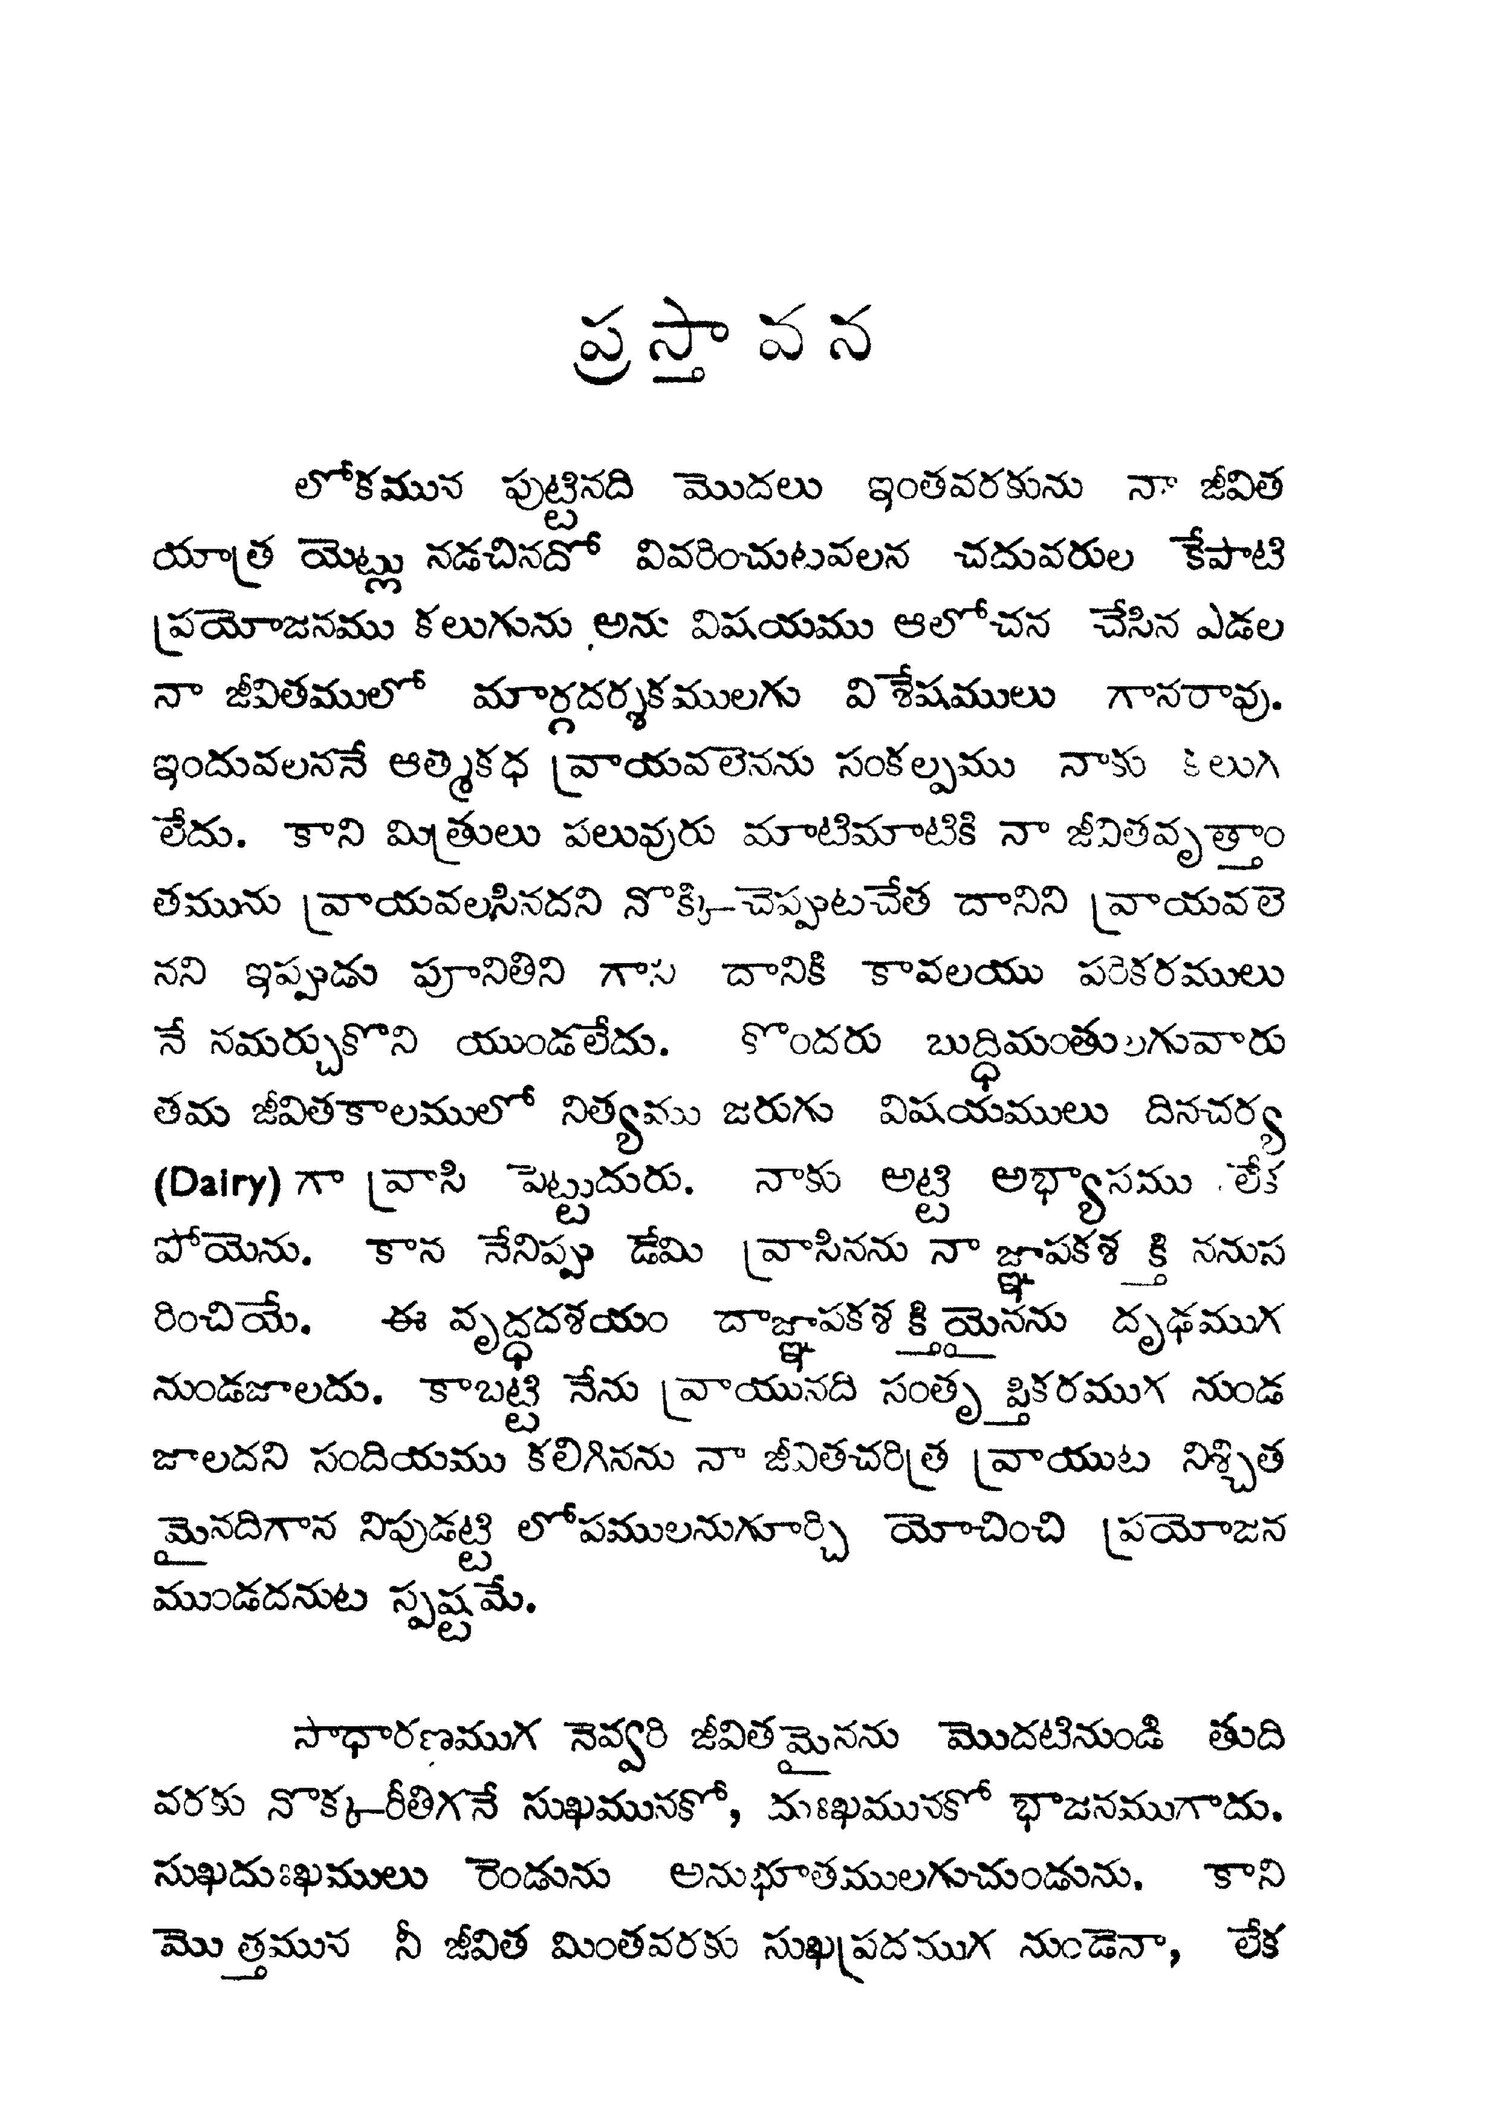లోకమున పుట్టినది మొదలు ఇంతవరకును నాజీవిత యాత్ర యెట్లు నడచినదో వివరించుటవలన చదువరుల కేపాటి ప్రయోజనము కలుగును అను విషయము ఆలోచన చేసిన ఎడల నా జీవితములో మార్గదర్శకములగు విశేషములు గానరావు. ఇందువలననే ఆత్మకధ వ్రాయవలెనను సంకల్పము నాకు కలుగ లేదు. కాని మిత్రులు పలువురు మాటిమాటికి నా జీవితవృత్తాంతమును వ్రాయవలసినదని నొక్కి చెప్పుటచేత దానిని వ్రాయవలెనని ఇప్పుడు పూనితిని గాని దానికి కావలయు పరికరములు నే నమర్చుకొని యుండలేదు. కొందరు బుద్ధిమంతులగువారు తమ జీవితకాలములో నిత్యము జరుగు విషయములు దినచర్య (Dairy)గా వ్రాసి పెట్టుదురు. నాకు అట్టి అభ్యాసము లేక పోయెను. కాన నేనిప్పు డేమి వ్రాసినను నా జ్ఞాపకశక్తి ననుసరించియే. ఈ వృద్ధదశయం దాజ్ఞాపకశక్తియైనను దృడముగ నుండజాలదు. కాబట్టి నేను వ్రాయునది సంతృప్తికరముగ నుండజాలదని సందియము కలిగినను నా జీవితచరిత్ర వ్రాయుట నిశ్చితమైనదిగాన నిపుడట్టి లోపములనుగూర్చి యోచించి ప్రయోజన ముండదనుట స్పష్టమే.

సాధారణముగ నెవ్వరి జీవితమైనను మొదటినుండి తుదివరకు నొక్కరీతిగనే సుఖమునకో, దు:ఖమునకో భాజనముగాదు. సుఖదు:ఖములు రెండును అనుభూతములగుచుండును. కాని మొత్తమున నీ జీవిత మింతవరకు సుఖప్రదముగ నుండెనా, లేక